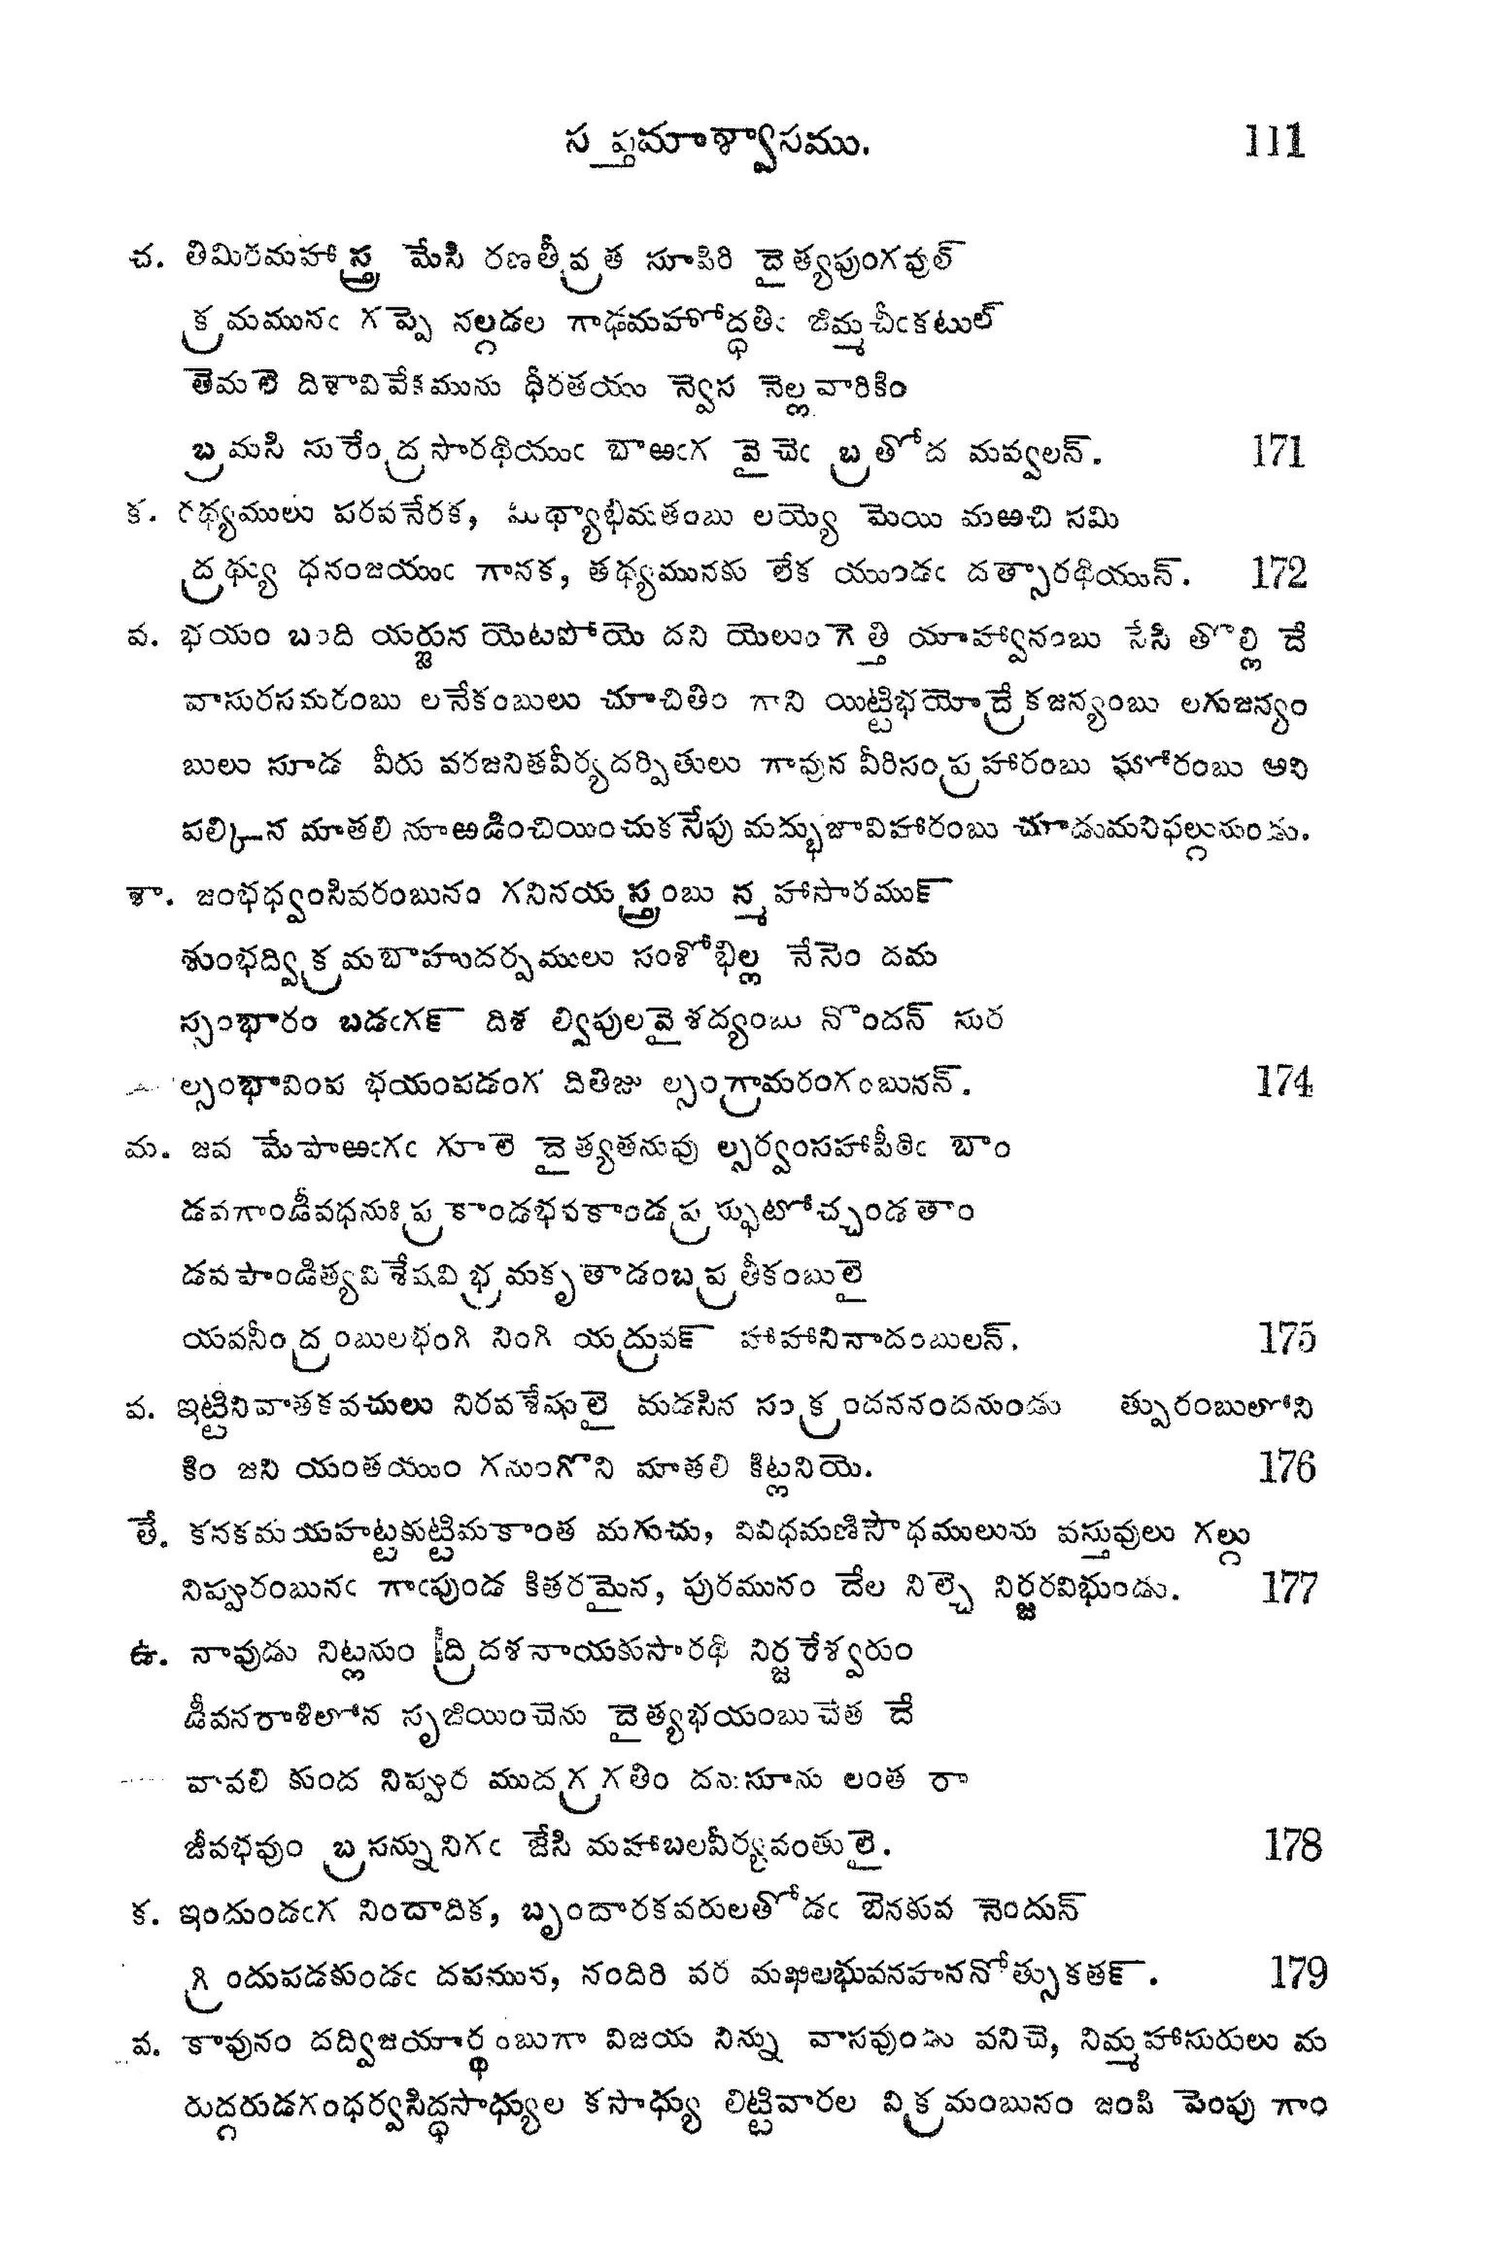చ. తిమిరమహాస్త్ర మేసి రణతీవ్రత సూపిరి దైత్యపుంగవుల్
క్రమమునఁ గప్పె నల్గడల గాఢమహోద్ధతిఁ జిమ్మచీఁకటుల్
తెమలె దిశావివేకమును ధీరతయు న్వెస నెల్లవారికిం
బ్రమసి సురేంద్రసారథియుఁ బాఱఁగ వైచెఁ బ్రతోద మవ్వలన్. 171

క. రథ్యములు పరవనేరక, మిథ్యాభిమతంబు లయ్యె మెయి మఱచి సమి
ద్రథ్యు ధనంజయుఁ గానక, తథ్యమునకు లేక యుండఁ దత్సారథియున్. 172

వ. భయం బంది యర్జున యెటపోయె దని యెలుంగెత్తి యాహ్వానంబు సేసి తొల్లి దేవాసురసమరంబు లనేకంబులు చూచితిం గాని యిట్టిభయోద్రేకజన్యంబు లగుజన్యంబులు సూడ వీరు వరజనితవీర్యదర్పితులు గావున వీరిసంప్రహారంబు ఘోరంబు అని పల్కిన మాతలి నూఱడించి యించుకసేపు మద్భుజావిహారంబు చూడుమని ఫల్గునుండు. 173

శా. జంభధ్వంసివరంబునం గనినయస్త్రంబు న్మహాసారమున్
శుంభద్విక్రమబాహుదర్పములు సంశోభిల్ల నేసెం దమ
స్సంభారం బడఁగన్ దిశ ల్విపులవైశద్యంబు నొందన్ సుర
ల్సంభావింప భయంపడంగ దితిజు ల్సంగ్రామరంగంబునన్. 174

మ. జవ మేపాఱఁగఁ గూలె దైత్యతనువు ల్సర్వంసహాపీఠిఁ బాం
డవగాండీవధనుఃప్రకాండభవకాండప్రస్ఫుటోచ్చండతాం
డవపాండిత్యవిశేషవిభ్రమకృతాడంబప్రతీకంబులై
యవనీంద్రంబులభంగి నింగి యద్రువన్ హాహానినాదంబులన్. 175

వ. ఇట్టినివాతకవచులు నిరవశేషులై మడసిన సుక్రందననందనుండు తత్పురంబులోనికిం జని యంతయుం గనుంగొని మాతలి కిట్లనియె. 176

తే. కనకమయహట్టకుట్టిమకాంత మగుచు, వివిధమణిసౌధములును వస్తువులు గల్గు
నిప్పురంబునఁ గాఁపుండ కితరమైన , పురమునం దేల నిల్చె నిర్జరవిభుండు. 177

ఉ. నావుడు నిట్లనుం ద్రిదశనాయకుసారథి నిర్జరేశ్వరుం
డీవనరాశిలోన సృజియించెను దైత్యభయంబుచేత దే
వావలి కుంద నిప్పుర ముదగ్రగతిం దనుసూను లంత రా
జీవభవుం బ్రసన్నునిగఁ జేసి మహాబలవీర్యవంతులై. 178

క. ఇందుండఁగ నింద్రాదిక, బృందారకవరులతోడఁ బెనకువ నెందున్
గ్రిందుపడకుండఁ దపమున, నందిరి వర మఖిలభువనహననోత్సుకతన్. 179

వ. కావునం దద్విజయార్థంబుగా విజయ నిన్ను వాసవుండు వనిచె, నిమ్మహాసురులు మరుద్గరుడగంధర్వసిద్ధసాధ్యుల కసాధ్యు లిట్టివారల విశ్రమంబునం జంపి పెంపు గాం